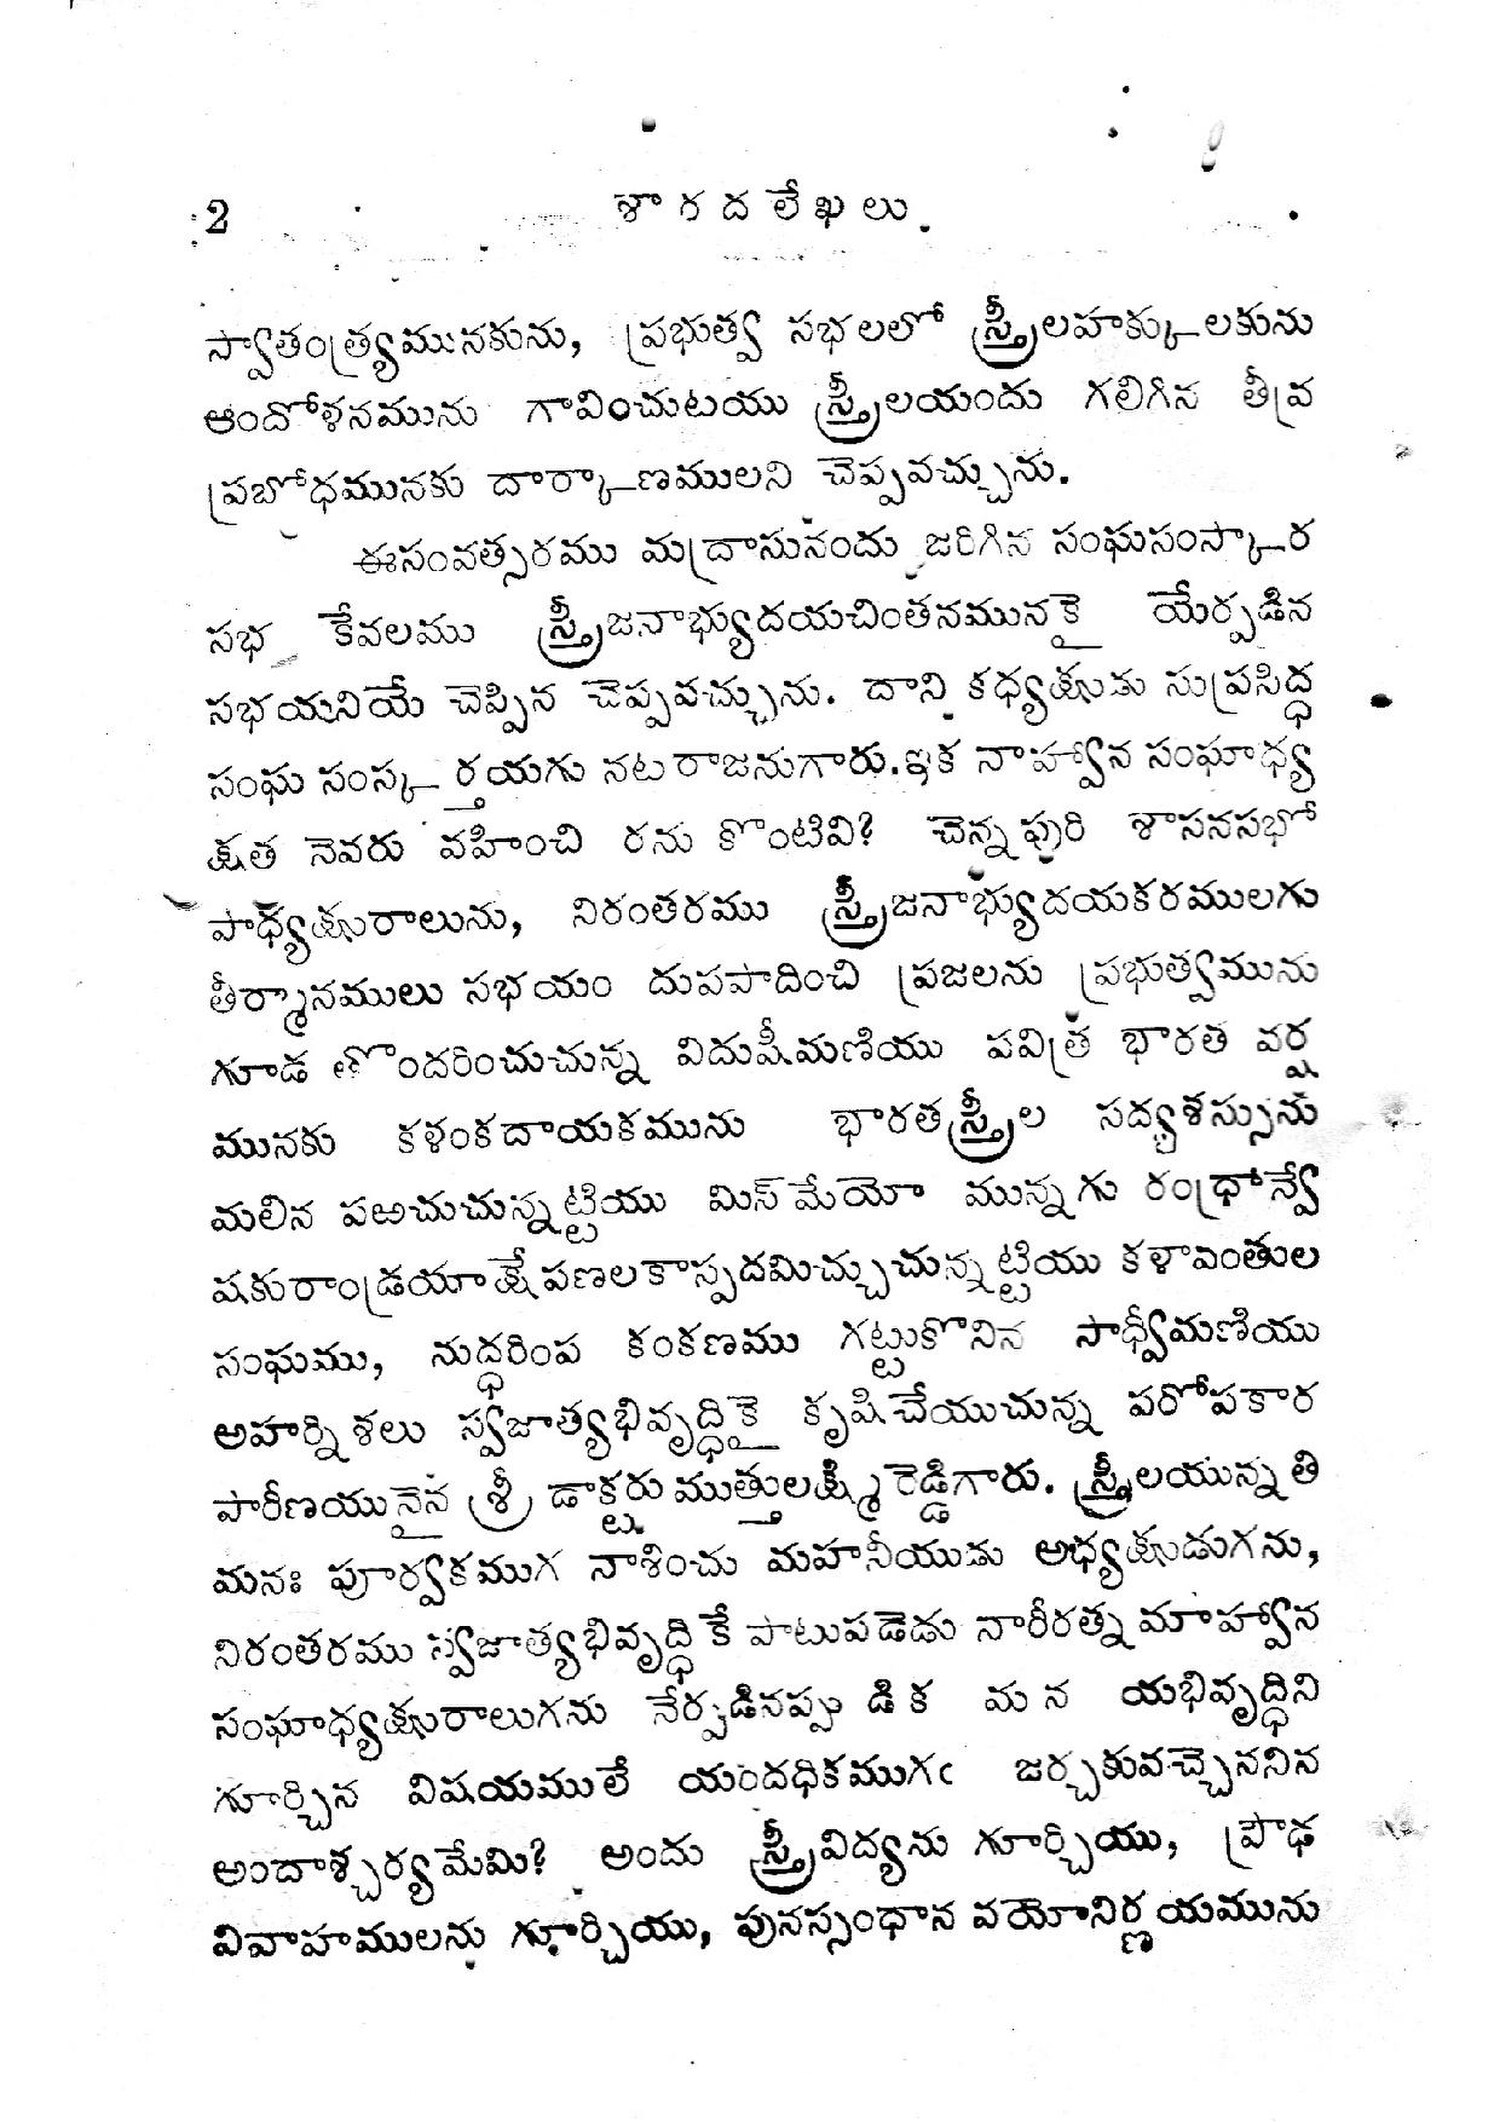స్వాతంత్ర్యమునకును, ప్రభుత్వ సభలలో స్త్రీలహక్కులకును ఆందోళనమును గావించుటయు స్త్రీలయందు గలిగిన తీవ్ర ప్రబోధమునకు దార్కాణములని చెప్పవచ్చును.

ఈసంవత్సరము మద్రాసునందు జరిగిన సంఘసంస్కార సభ కేవలము స్త్రీజనాభ్యుదయచింతనమునకై యేర్పడిన సభయనియే చెప్పిన చెప్పవచ్చును. దాని కధ్యక్షుడు సుప్రసిద్ధ సంఘ సంస్కర్తయగు నటరాజనుగారు. ఇక నాహ్వాన సంఘాధ్యక్షత నెవరు వహించి రను కొంటివి? చెన్నపురి శాసనసభోపాధ్యక్షురాలును, నిరంతరము స్త్రీజనాభ్యుదయకరములగు తీర్మానములు సభయం దుపపాదించి ప్రజలను ప్రభుత్వమును గూడ తొందరించుచున్న విదుషీమణియు పవిత్ర భారత వర్షమునకు కళంకదాయకమును భారతస్త్రీల సద్యశస్సును మలిన పఱచుచున్నట్టియు మిస్‌మేయో మున్నగు రంధ్రాన్వే
షకురాండ్రయాక్షేపణల కాస్పదమిచ్చుచున్నట్టియు కళావంతుల సంఘము, నుద్ధరింప కంకణము గట్టుకొనిన సాధ్వీమణియు అహర్నిశలు స్వజాత్యభివృద్ధికై కృషిచేయుచున్న పరోపకార పారీణయునైన శ్రీ డాక్టరు ముత్తులక్ష్మిరెడ్డిగారు. స్త్రీలయున్నతి మనః పూర్వకముగ నాశించు మహనీయుడు అధ్యక్షుడుగను,
నిరంతరము స్వజాత్యభివృద్ధికే పాటుపడెడు నారీరత్నమాహ్వాన సంఘాధ్యక్షురాలుగను నేర్పడినప్పు డిక మన యభివృద్ధిని గూర్చిన విషయములే యందధికముగఁ జర్చకువచ్చెననిన అందాశ్చర్యమేమి? అందు స్త్రీవిద్యను గూర్చియు, ప్రౌఢ వివాహములను గూర్చియు, పునస్సంధాన వయోనిర్ణయమును